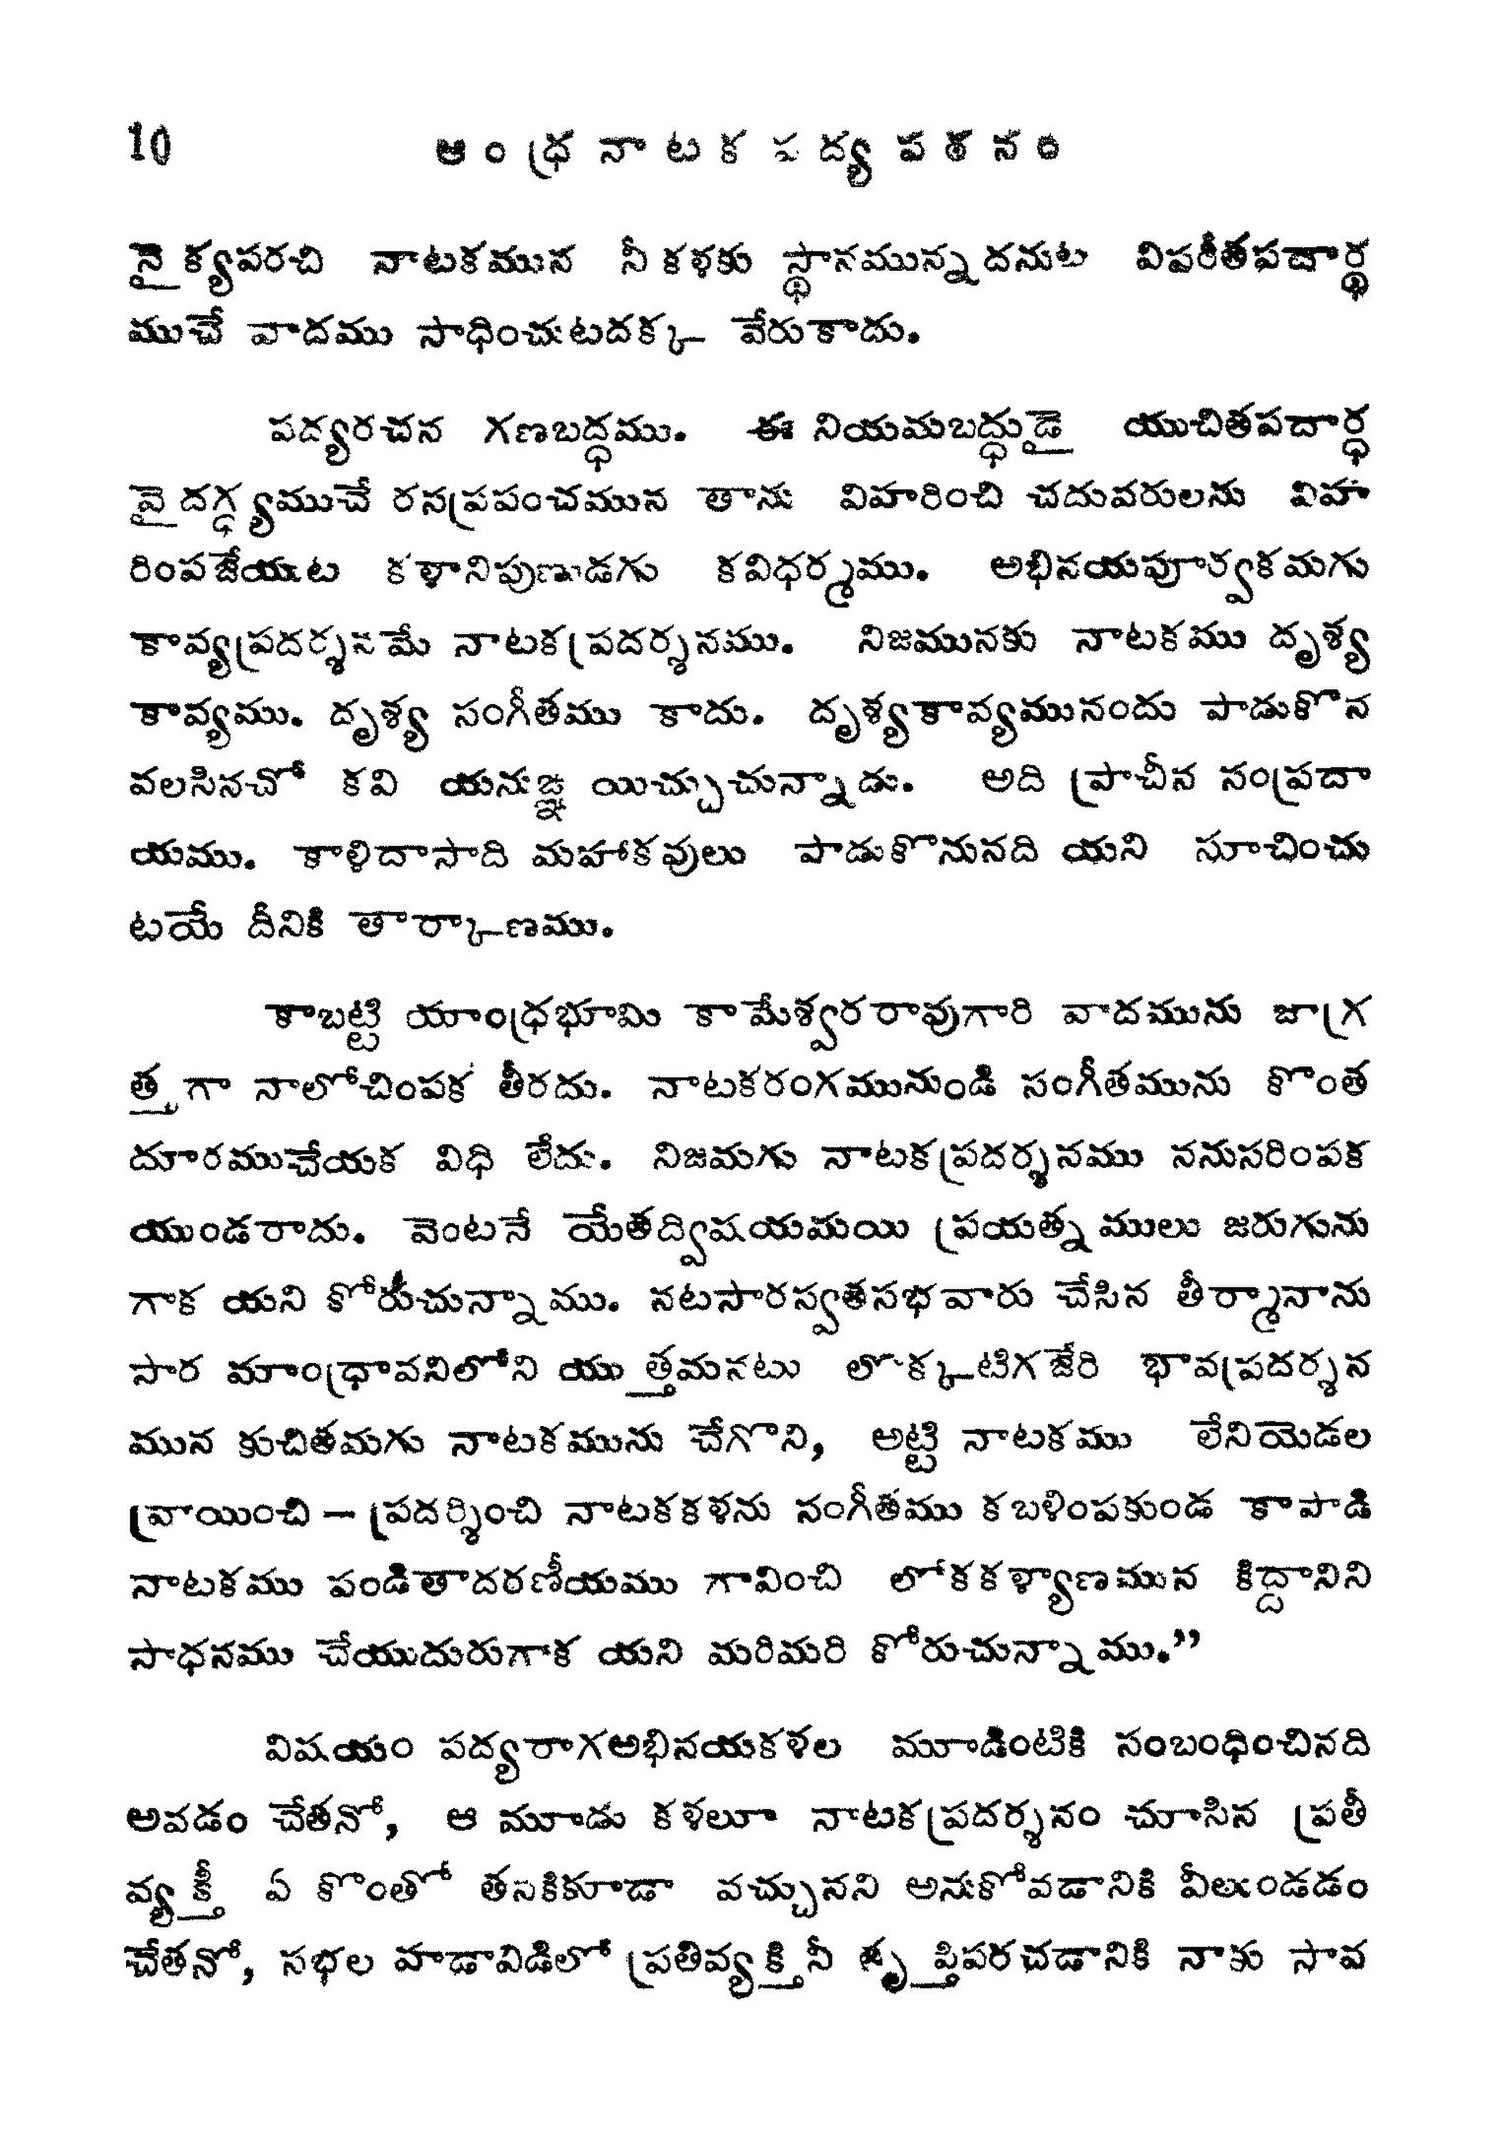నైక్యపరచి నాటకమున నీ కళకు స్థానమున్నదనుట విపరీతపదార్థ
ముచే వాదము సాధించుటదక్క వేరుకాదు.

పద్యరచన గణబద్ధము. ఈ నియమబద్ధుడై యుచితపదార్ధ
వైదగ్ధ్యముచే రసప్రపంచమున తాను విహరించి చదువరులను విహ
రింపజేయట కళానిపుణుడగు కవిధర్మము. అభినయపూర్వకమగు
కావ్యప్రదర్శనమే నాటకప్రదర్శనము. నిజమునకు నాటకము దృశ్య
కావ్యము. దృశ్య సంగీతము కాదు. దృశ్యకావ్యమునందు పాడుకొన
వలసినచో కవి యనుజ్ఞ యిచ్చుచున్నాడు. అది ప్రాచీన సంప్రదా
యము. కాళిదాసాది మహాకవులు పాడుకొనునది యని సూచించు
టయే దీనికి తార్కాణము.

కాబట్టి యాంధ్రభూమి కామేశ్వరరావుగారి వాదమును జాగ్ర
త్తగా నాలోచింపక తీరదు. నాటకరంగమునుండి సంగీతమును కొంత
దూరముచేయక విధి లేదు. నిజమగు నాటకప్రదర్శనము ననుసరింపక
యుండరాదు. వెంటనే యేతద్విషయమయి ప్రయత్నములు జరుగును
గాక యని కోరుచున్నాము. నటసారస్వతసభవారు చేసిన తీర్మానాను
సార మాంధ్రావనిలోని యుత్తమనటు లొక్కటిగజేరి భావప్రదర్శన
మున కుచితమగు నాటకమును చేగొని, అట్టి నాటకము లేనియెడల
వ్రాయించి - ప్రదర్శించి నాటకకళను సంగీతము కబళింపకుండ కాపాడి
నాటకము పండితాదరణీయము గావించి లోకకళ్యాణమున కిద్దానిని
సాధనము చేయుదురుగాక యని మరిమరి కోరుచున్నాము.”

విషయం పద్యరాగఅభినయకళల మూడింటికి సంబంధించినది
అవడం చేతనో, ఆ మూడు కళలూ నాటకప్రదర్శనం చూసిన ప్రతీ
వ్యక్తీ ఏ కొంతో తనకికూడా వచ్చునని అనుకోవడానికి వీలుండడం
చేతనో, సభల హడావిడిలో ప్రతివ్యక్తినీ తృప్తిపరచడానికి నాకు సావ